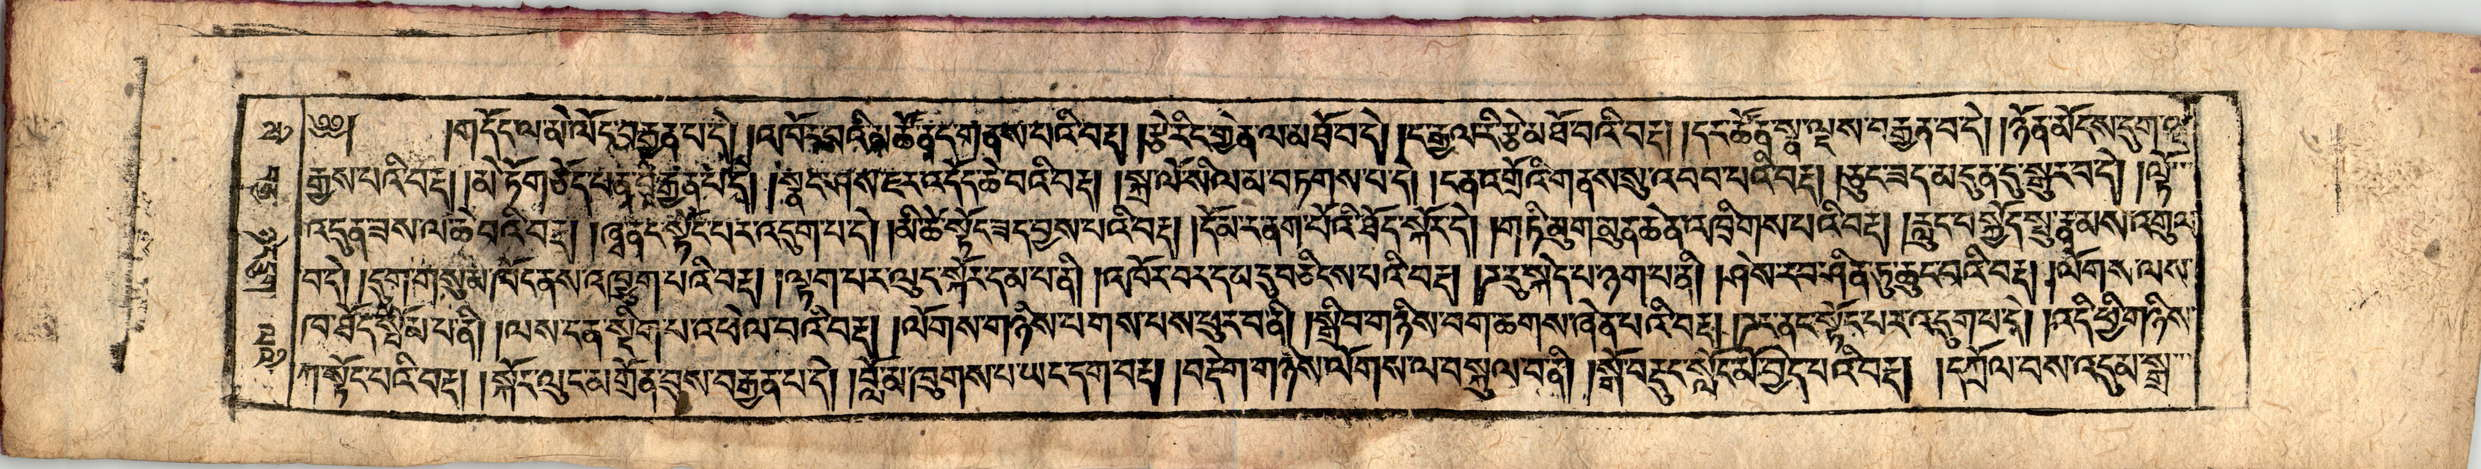གདོང་ལ་མེ་ལོང་བརྒྱན་པ་དེ། །འཁོར་བའི་མཚོ་ནད་གནས་པའི་བརྡ། །རྩེ་རིང་གྱེན་ལ་མཐོ་བ་དེ། །ང་རྒྱལ་རི་རྩེ་མཐོ་བའི་བརྡ། །དར་ཚོན་སྣ་ལྔས་བརྒྱན་པ་དེ། །ཉོན་མོངས་དུག་ལྔ་
རྒྱས་པའི་བརྡ། །མེ་ཏོག་ཅོད་པན་བརྒྱན་པ་དེ། །སྣང་ཤས་ཇར་འདོད་ཆེ་བའི་བརྡ། །སྐྲ་ལོ་སིལ་མ་བཏགས་པ་དེ། །ངན་འགྲོའི་གནས་སུ་འབབ་པའི་བརྡ། །ཅུང་ཟད་མདུན་དུ་སྒུར་བ་དེ། །ལྟོ་
འདུན་ཟས་ལ་ཆེ་བའི་བརྡ། །ཞྭ་ནང་སྟོང་པར་འདུག་པ་དེ། །མི་ཚེ་སྟོང་ཟད་བྱས་པའི་བརྡ། །དོམ་ར་ནག་པོའི་ཐོད་སྐོར་དེ། །གཏི་མུག་མུན་ཆེན་འཁྲིགས་པའི་བརྡ། །རླུང་བསྐྱོད་སྤུ་རྣམས་འགུལ་
བ་དེ། །དུག་གསུམ་ཁོང་ནས་འཁྱུག་པའི་བརྡ། །ལྟག་པར་ལུང་སྐོར་དམ་པ་ནི། །འཁོར་བར་དམ་དུ་བཅིངས་པའི་བརྡ། རུ་སྐེད་པ་ཉག་པ་ན། །ཤེས་རབ་ཤིན་ཏུ་ཆུང་བའི་བརྡ། །ལོགས་ལས་
ཁ་ཐོད་སྦོམ་པ་ནི། །ལས་ངན་སྡིག་པ་འཕེལ་བའི་བརྡ། །ལོགས་གཉིས་པགས་པས་ཕུར་བ་ནི། །སྒྲིབ་གཉིས་བག་ཆགས་ཞེན་པའི་བརྡ། །ཌཱར་ནང་སྟོང་པར་འདུག་པ་དེ། །འདི་ཕྱི་གཉིས་
ཀ་སྟོང་པའི་བརྡ། །སྐོར་ལུང་མགྲོན་བུས་བརྒྱན་པ་དེ། །བློ་མ་ཁུགས་པ་ཡང་དག་བརྡ། །བརྡེག་གཉིས་ལོགས་ལ་བསྐུལ་བ་ནི། །སྒོ་བརྡུང་སློང་མོ་བྱེད་པའི་བརྡ། །དཀྲོལ་བས་འདུམ་སྒྲ་